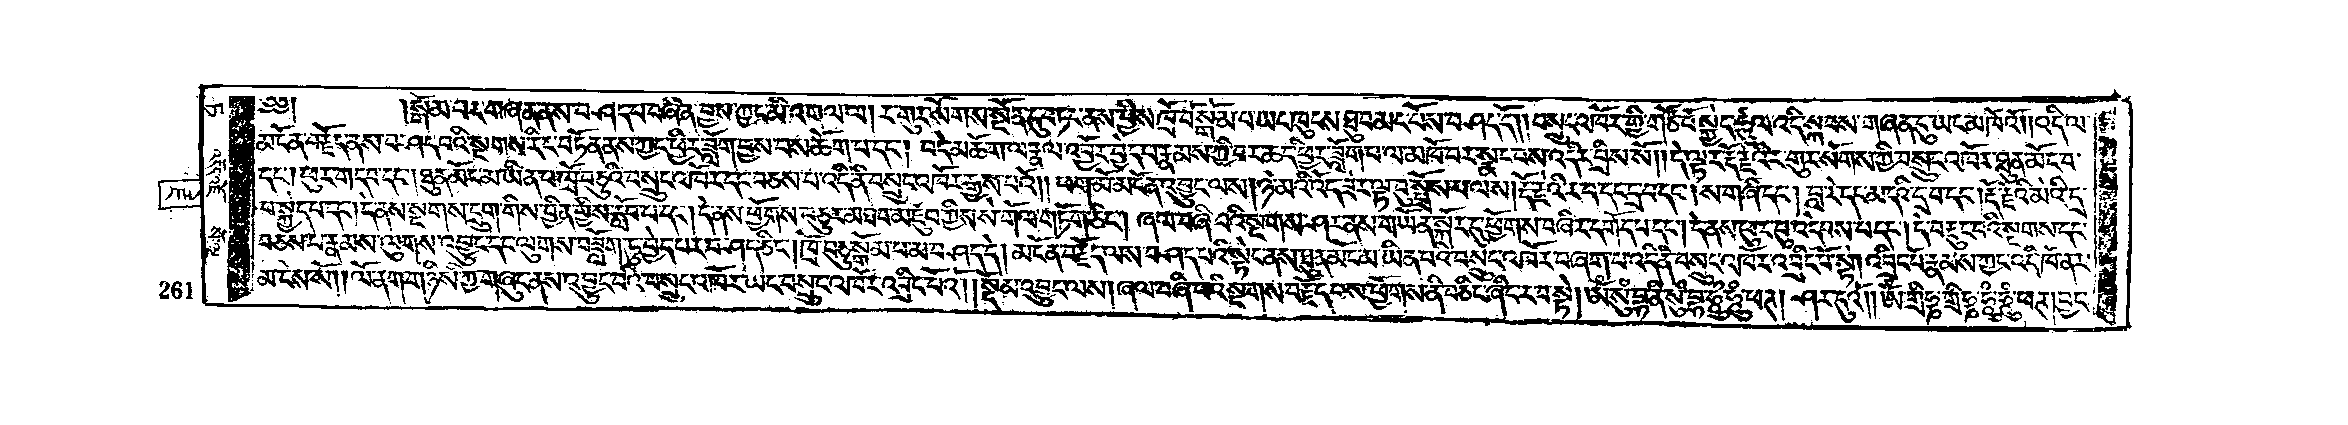༄༅། །སྒོམ་པར་གཞན་ནས་བཤད་པ་བཞིན་བྱས་ཀྱང་མི་འགལ་ལ། ར་གུར་སོགས་སྔོན་དུ་བཏང་ནས་ཕྱིས་ཁྲོ་བོ་སྒོམ་པ་ཡང་ཁུངས་ཐུབ་མང་པོས་བཤད་དོ། །བསྲུང་འཁོར་གྱི་གཙོ་བོ་སྐྱེད་ཚུལ་འདི་སྐབས་གཞན་དུ་ཡང་མཁོའོ། །འདི་ལ་
མངོན་བརྗོད་ནས་བཤད་པའི་སྔགས་རིང་བཏོན་ནས་ཀྱང་ཕྱིར་ཟློག་བྱས་པས་ཆོག་པ་དང་། བདེ་མཆོག་ལ་རྣལ་འབྱོར་བྱེད་པ་རྣམས་ཀྱི་བར་ཆད་ཕྱིར་ཟློག་པ་ལ་མཁོ་བར་སྣང་བས་འདིར་བྲིས་སོ། །དེ་ལྟར་རྡོ་རྗེའི་ར་གུར་སོགས་ཀྱི་བསྲུང་འཁོར་ཐུན་མོང་བ་
དང་། ཕུར་གདབ་དང་། ཐུན་མོང་མ་ཡིན་པ་ཁྲོ་བཅུའི་བསྲུང་འཁོར་དང་བཅས་པ་འདི་ནི་བསྲུང་འཁོར་རྒྱས་པའོ། །ཕག་མོ་མངོན་འབྱུང་ལས། ཉི་མའི་འོད་ཟེར་ལྟ་བུ་སྤྲོས་པ་ལས། རྡོ་རྗེའི་ར་བ་དང་དྲ་བ་དང་། ས་གཞི་དང་། བླ་རེ་དང་མདའི་དྲ་བ་དང་། རྡོ་རྗེའི་མེའི་དྲ་
བ་སྐྱེད་པ་དང་། དེ་ནས་སྔགས་དྲུག་གིས་བྱིན་གྱིས་རློབ་པ་དང་། དེ་ནས་ཕྱོགས་བཅུར་མཐེབ་མཛུབ་ཀྱིས་སེ་གོལ་གཏོག་ཅིང་། ཞལ་བཞག་པའི་སྔགས་ཤར་ནས་གཡོན་སྐོར་དུ་ཕྱོགས་བཞིར་དགོད་པ་དང་། དཻ་ནས་ཕུར་བུ་འདེབས་པ་དང་། དེ་བརྡུང་བའི་སྔགས་དང་
བཅས་པ་རྣམས་ལུགས་འབྱུང་དང་ལུགས་བཟློག་ཏུ་བྱེད་པར་བཤད་ཅིང་། ཁྲོ་བཅུ་སྒོམ་པ་མ་བཤད་དེ། མངོན་བརྗོད་པས་བཤད་པའི་སྟེང་ནས་ཐུན་མོང་མ་ཡིན་པའི་བསྲུང་འཁོར་བཞག་པ་འདི་ནི་བསྲུང་འཁོར་འབྲིང་པོ་སྟེ། འབྲིང་པོ་རྣམས་ཀྱངའ་དི་ཁོ་ནར་
མ་ངེས་སོ། །ལོ་ནག་གཉིས་ཀྱི་གཞུང་ནས་འབྱུང་བའི་བསྲུང་འཁོར་ཡང་བསྲུང་འཁོར་འབྲིང་པོའོ། །སྡོམ་འབྱུང་ལས། ཞལ་བཞི་པའི་སྔགས་བརྗོད་པས་ཕྱོགས་ནི་བཅིང་ཞིང་ར་བ་སྟེ། ཨོཾ་སུཾ་བྷ་ནི་སུཾ་བྷ་ཧཱུཾ་ཧཱུཾ་ཕཊ། ཤར་དུའོ། །ཨོཾ་གྲིཧྞ་གྲིཧྞ་ཧཱུཾ་ཧཱུཾ་ཕཊ། བྱང་